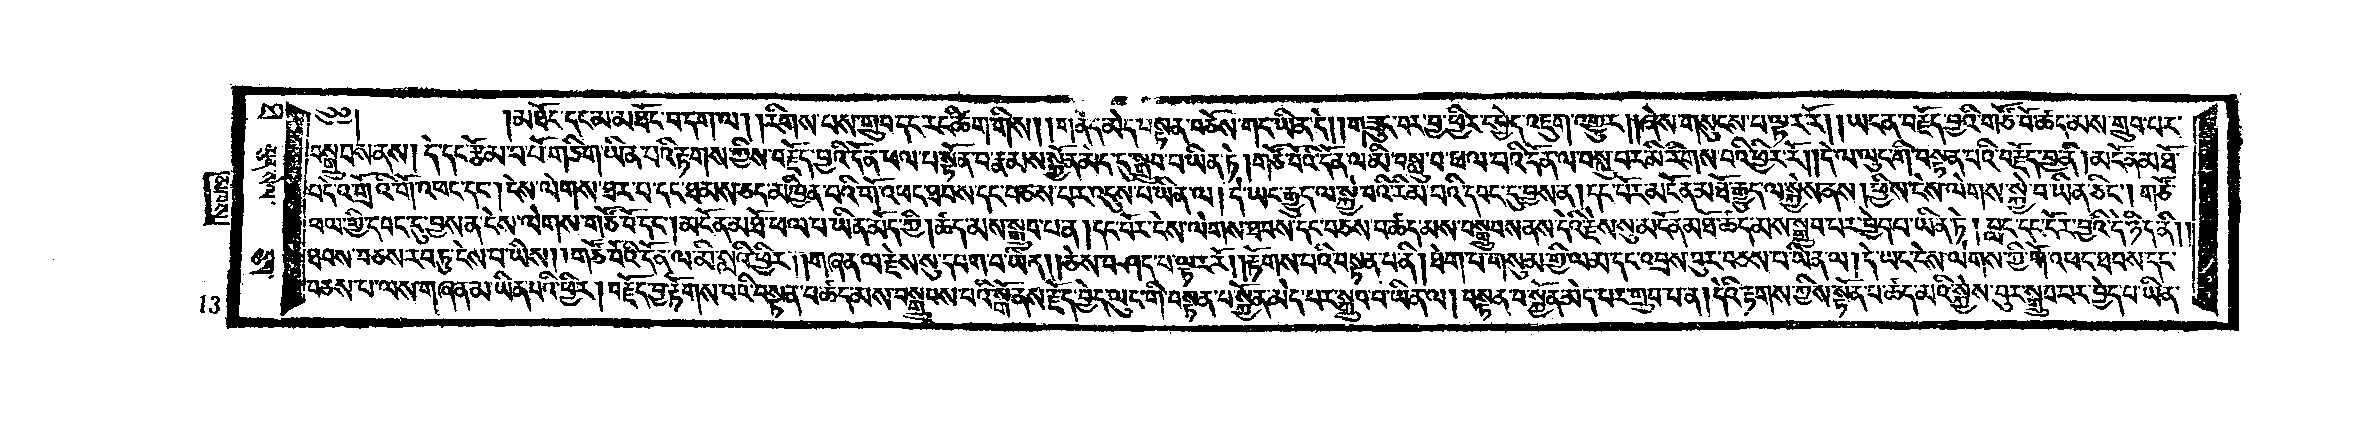༄༅། །མཐོང་དང་མ་མཐོང་བ་དག་ལ། །རིགས་པས་གྲུབ་དང་རང་ཚིག་གིས། །གནོད་མེད་བསྟན་བཅོས་གང་ཡིན་དེ། །གཟུང་བར་བྱ་ཕྱིར་དཔྱོད་འཇུག་འགྱུར། །ཞེས་གསུངས་པ་ལྟར་རོ། །ཡང་ན་བརྗོད་བྱའི་གཙོ་བོ་ཚད་མས་གྲུབ་པར་
བསྒྲུབས་ནས། དེ་དང་རྩོམ་པ་པོ་གཅིག་ཡིན་པའི་རྟགས་ཀྱིས་བརྗོད་བྱའི་དོན་ཕལ་པ་སྟོན་པ་རྣམས་སྐྱོན་མེད་དུ་སྒྲུབ་པ་ཡིན་ཏེ། གཙོ་བོའི་དོན་ལ་མི་བསླུ་བ་ཕལ་པའི་དོན་ལ་བསླུ་པར་མི་རིགས་པའི་ཕྱིར་རོ། །དེ་ལ་ལུང་གི་བསྟན་པའི་བརྗོད་བྱ་ནི། མངོན་མཐོ་
བདེ་འགྲོའི་གོ་འཕང་དང་། ངེས་ལེགས་ཐར་བ་དང་ཐམས་ཅད་མཁྱེན་པའི་གོ་འཕང་ཐབས་དང་བཅས་པར་འདུས་པ་ཡིན་ལ། དེ་ཡང་རྒྱུད་ལ་སྐྱེ་བའི་རིམ་པའི་དབང་དུ་བྱས་ན། དང་པོར་མངོན་མཐོ་རྒྱུད་ལ་སྐྱེས་ནས། ཕྱིས་ངེས་ལེགས་སྐྱེ་བ་ཡིན་ཅིང་། གཙོ་
ཕལ་གྱི་དབང་དུ་བྱས་ན་ངེས་ལེགས་གཙོ་བོ་དང་། མངོན་མཐོ་ཕལ་པ་ཡིན་མོད་ཀྱི། ཚད་མས་སྒྲུབ་པ་ན། དང་པོར་ངེས་ལེགས་ཐབས་དང་བཅས་པ་ཚད་མས་བསྒྲུབས་ནས་དེའི་རྗེས་སུ་མངོན་མཐོ་ཚད་མས་སྒྲུབ་པར་བྱེད་པ་ཡིན་ཏེ། བླང་དང་དོར་བྱའི་དེ་ཉིད་ནི། །
ཐབས་བཅས་རབ་ཏུ་ངེས་པ་ཡིས། །གཙོ་བོའི་དོན་ལ་མི་སླུའི་ཕྱིར། །གཞན་ལ་རྗེས་སུ་དཔག་པ་ཡིན། །ཅེས་བཤད་པ་ལྟར་རོ། །རྟོགས་པའི་བསྟན་པ་ནི། ཐེག་པ་གསུམ་གྱི་ལམ་དང་འབྲས་བུར་བཅས་པ་ཡིན་ལ། དེ་ཡང་ངེས་ལེགས་ཀྱི་གོ་འཕང་ཐབས་དང་
བཅས་པ་ལས་གཞན་མ་ཡིན་པའི་ཕྱིར། བརྗོད་བྱ་རྟོགས་པའི་བསྟན་པ་ཚད་མས་བསྒྲུབས་པའི་སྒོ་ནས་རྗོད་བྱེད་ལུང་གི་བསྟན་པ་སྐྱོན་མེད་པར་སྒྲུབ་པ་ཡིན་ལ། བསྟན་པ་སྐྱོན་མེད་པར་གྲུབ་པ་ན། དེའི་རྟགས་ཀྱིས་སྟོན་པ་ཚད་མའི་སྐྱེས་བུར་སྒྲུབ་པར་བྱེད་པ་ཡིན་